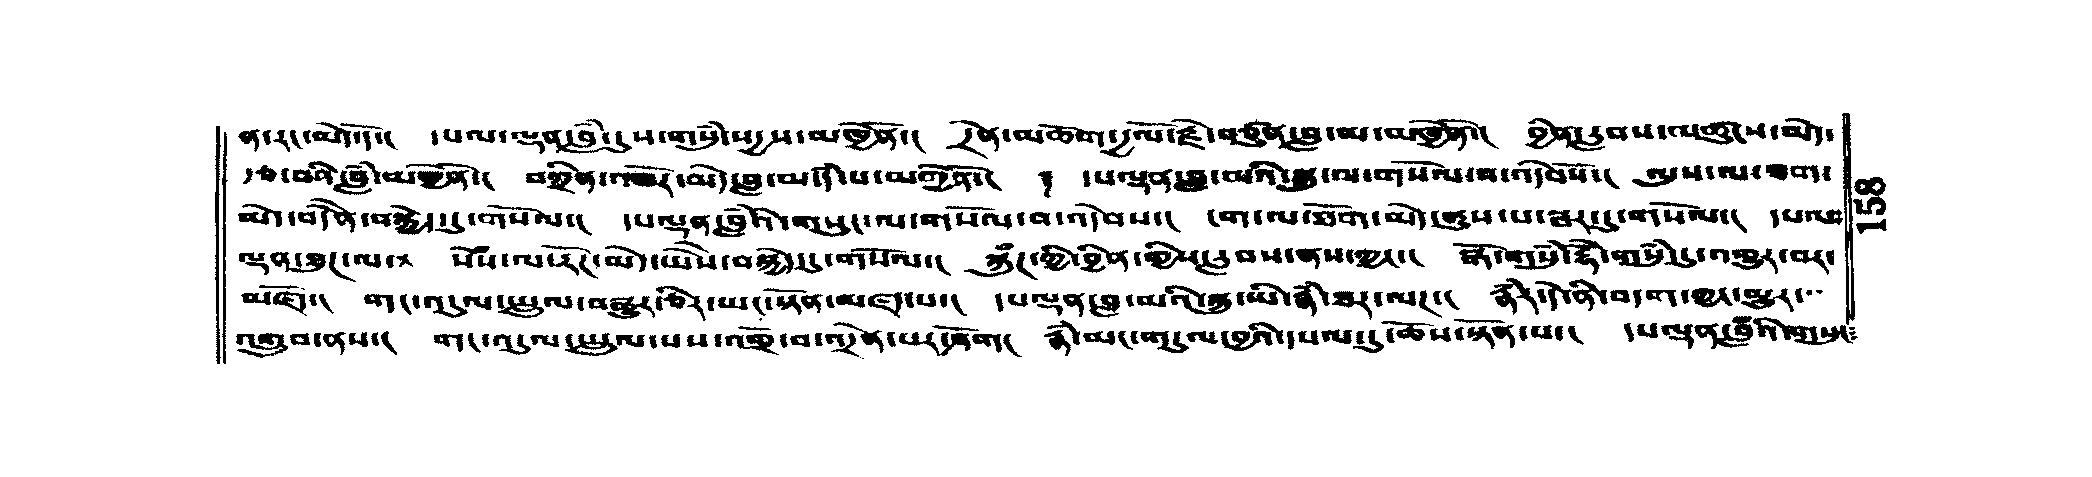ན་རང་མེད་དོ། །དཔལ་ལྡན་བླ་མ་དུས་གསུམ་སངས་རྒྱས་མཁྱེན་ནོ། །འདྲེན་མཆོག་རྒྱལ་པོ་རྗེ་བཙུན་བླ་མ་མཁྱེན་ནོ། །བྱིན་རླབས་མཚུངས་མེད་
རྩ་བའི་བླ་མ་མཁྱེན་ནོ། །བཀའ་དྲིན་འཁོར་མེད་བླ་མ་དམ་པ་མཁྱེན་ནོ།། ༈ དཔལ་ལྡན་བླ་མའི་སྐུ་ལ་གསོལ་བ་འདེབས། །ལུས་ལ་ཟག་
མེད་བདེ་ཆེན་བསྐྱེད་དུ་གསོལ། །དཔལ་ལྡན་བླ་མའི་གསུང་ལ་གསོལ་བ་འདེབས། །ངག་ལ་ཐོགས་མེད་ནུས་པ་སྦར་དུ་གསོལ། །དཔལ་
ལྡན་བླ་མའི་ཐུགས་ལ༴།སེམས་ལ་རྟོག་མེད་ཡེ་ཤེས་བསྐྱེད་དུ་གསོལ། །སྐུ་གསུང་ཐུགས་ཀྱི་བྱིན་གྱིས་རླབས་ནས་ཀྱང་། །སྒོ་གསུམ་རྡོ་རྗེ་གསུམ་དུ་འགྱུར་བར་
མཛོད། །གང་འདུལ་སྤྲུལ་བསྒྱུར་ཅིར་ཡང་སྟོན་མཛད་པ། །དཔལ་ལྡན་བླ་མའི་སྐུ་ཡི་རྣམ་ཐར་ལགས། །རྣམ་ཐར་དེ་ནི་བདག་ཀྱང་མྱུར་
འགྲུབ་ནས། །གང་འདུལ་སྤྲུལ་པས་འགྲོ་བ་འདྲེན་པར་ཤོག །རྣམ་མང་གདུལ་བྱའི་དཔལ་དུ་ཆོས་སྟོན་པ། །དཔལ་ལྡན་བླ་མའི་གསུང་